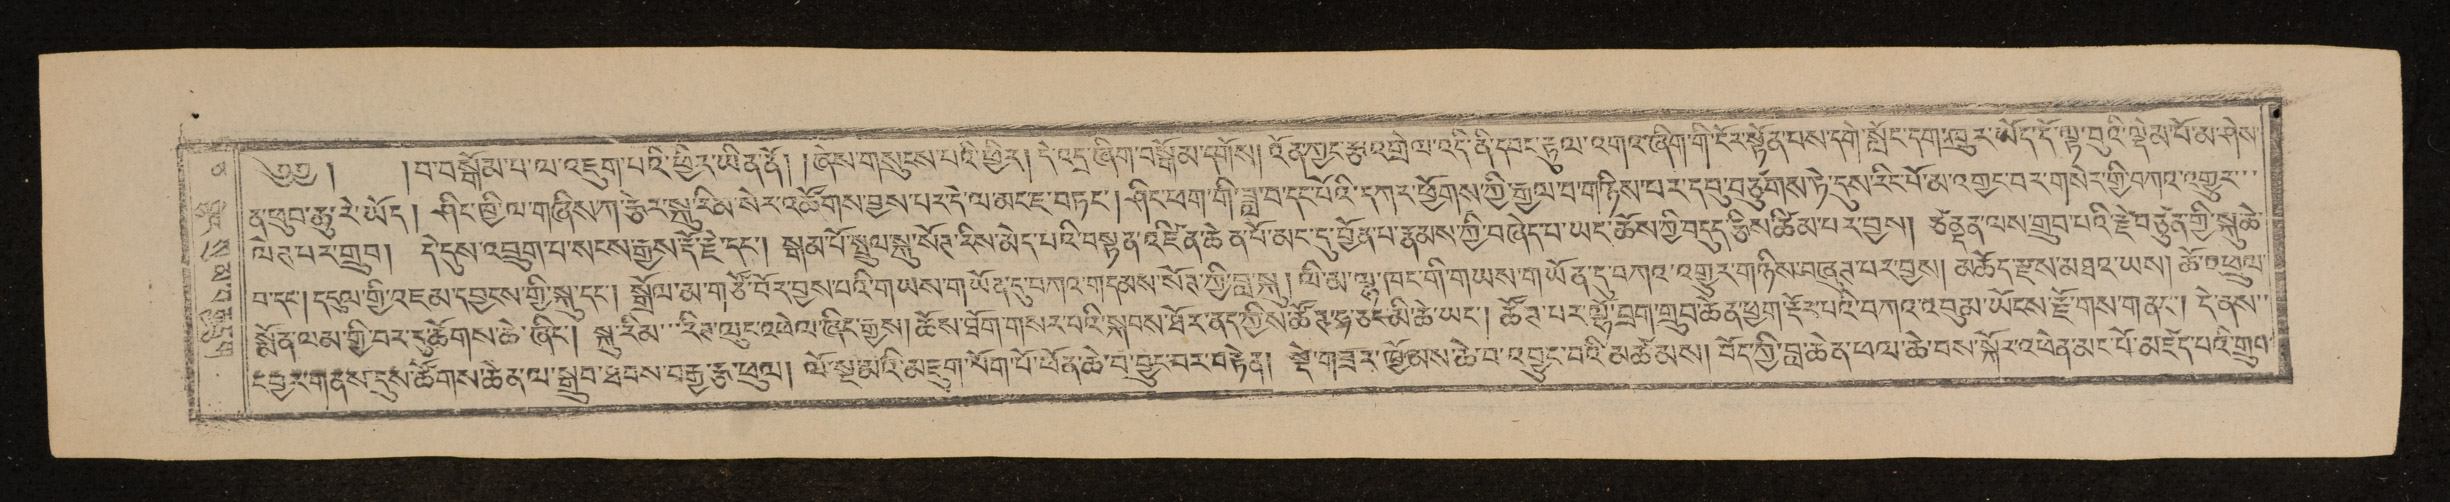༄༅། །བ་བསྒོམ་པ་ལ་འཇུག་པའི་ཕྱིར་ཡིན་ནོ། །ཞེས་གསུངས་བའི་ཕྱིར། དེ་འདྲ་ཞིག་བསྒོམ་དགོས། འོན་ཀྱང་རྩ་འགྲེལ་འདི་ནི་དབང་རྟུལ་འགའ་ཞིག་གི་ངོར་སྟོན་པས་དགེ་སློང་དག་ཁུར་ཡོད་དོ་ལྟ་བུའི་ལྡེམ་པོ་མ་ཤེས་
ན་ཕུབ་ཆུ་རེ་ཡོང་། ཤིང་ཁྱི་ལ་གཞིས་ཀ་རྩེར་སྐུ་རིམ་སེར་འཚོགས་བྱས་པར་དེ་ལ་མང་ཇ་བཏང་། ཤིང་ཕག་གི་ཟླ་བ་དང་པོའི་དཀར་ཕྱོགས་ཀྱི་རྒྱལ་བ་གཉིས་པར་དབུ་བཙུགས་ཏེ་དུས་རིང་པོ་མ་འགྱང་བར་གསེར་གྱི་བཀའ་འགྱུར་ལེགས་
པར་གྲུབ། དེ་དུས་འབྲུག་པ་སངས་རྒྱས་རྡོ་རྗེ་དང་། སྒམ་པོ་སྤྲུལ་སྐུ་སོགས་རིས་མེད་པའི་བསྟན་འཛིན་ཆེན་པོ་མང་དུ་བྱོན་པ་རྣམས་ཀྱི་བཞེད་པ་ཡང་ཆོས་ཀྱི་བདུད་རྩིས་ཚིམ་པར་བྱས། ཙནྡན་ལས་གྲུབ་པའི་རྗེ་བཙུན་གྱི་སྐུ་ཆེ་བ་དང་།
དངུལ་གྱི་འཇམ་དབྱངས་ཀྱི་སྐུ་དང་། སྒྲོལ་མ་གཙོ་བོར་བྱས་པའི་གཡས་གཡོན་དུ་བཀའ་གདམས་སོགས་ཀྱི་བླ་སྐུ། ལི་མ་ལྷ་ཁང་གི་གཡས་གཡོན་དུ་བཀའ་འགྱུར་གཉིས་བཞུགས་པར་བྱས། མཆོད་རྫས་མཐའ་ཡས། ཆོ་འཕྲུལ་
སྨོན་ལམ་གྱི་བར་དུ་ཚོགས་ཆེ་ཞིང་། སྐུ་རིམ་རིགས་ལུང་འཕེལ་ཞིང་རྒྱས། ཆོས་ཐོག་གསར་པའི་སྐབས་ཐོར་ནད་ཀྱིས་ཚོགས་ཧ་ཅང་མི་ཆེ་ཡང་། ཚོགས་པར་ལྷོ་བྲག་གྲུབ་ཆེན་ཕྱག་རྡོར་པའི་བཀའ་འབུམ་ཡོངས་རྫོགས་གནང་།
དེ་ནས་དབྱར་གནས་དུས་ཚོགས་ཆེན་ལ་སྒྲུབ་ཐབས་བརྒྱ་རྩ་ཕུལ། ལོ་སྔ་མའི་མཇུག་སོག་པོ་ཕོན་ཆེ་བ་བྱུང་བར་བརྟེན། སྡེ་གཟར་ཁྱོམས་ཆེ་བ་འབྱུང་བའི་མཚམས། བོད་ཀྱི་བླ་ཆེན་ཕལ་ཆེ་བས་སྐོར་འཕེན་མང་པོ་མཛད་པའི་